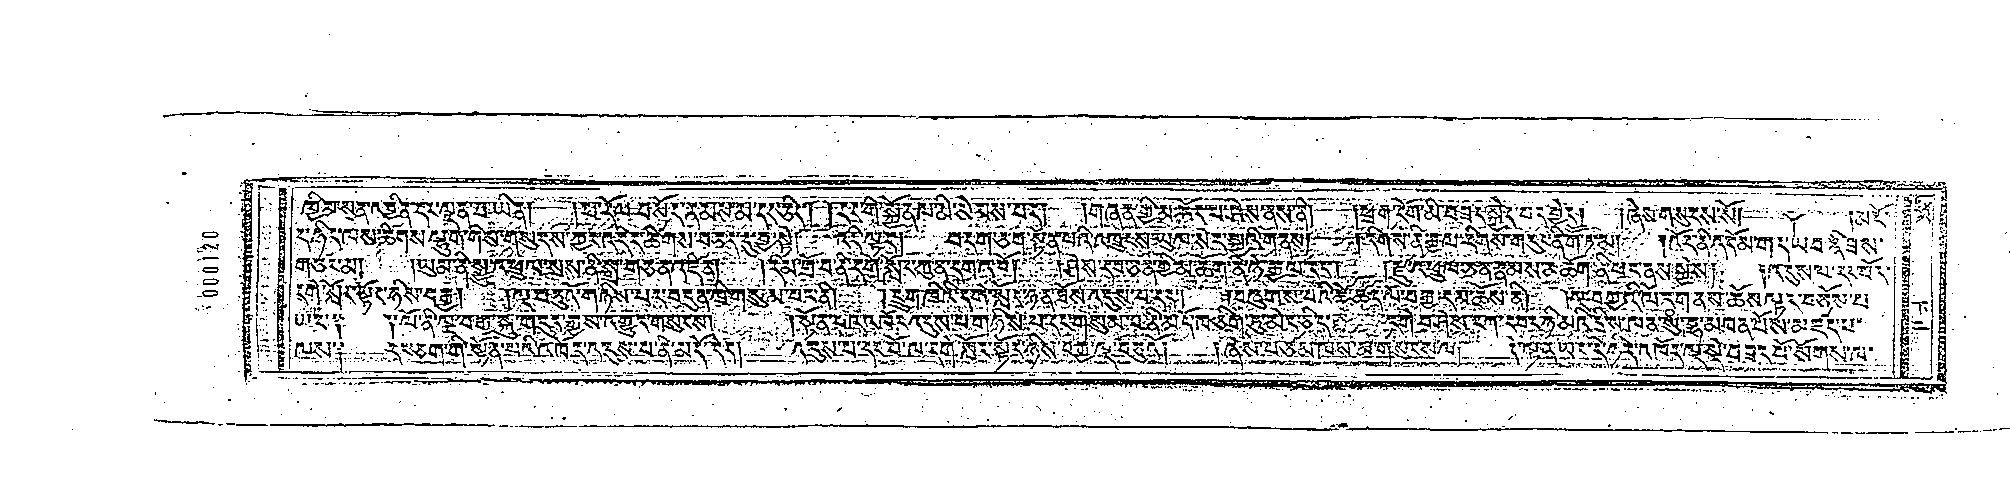ཁྱིམ་སུན་འབྱིན་དང་ལྡན་པ་ཡིན། །ཕ་རོལ་བསོད་ནམས་མ་དང་ཅིང་། །རང་གི་སྐྱོན་ལ་མི་སེམས་པར། །གཞན་གྱི་མཆོད་པ་ཤེས་ནས་ནི། །ཕྲག་དོག་མི་བཟད་སྐྱེད་པར་བྱེད། །ཞེས་གསུངས་སོ། །མདོ་
ད་ཉིད་ལས་ཚིགས་ལྷུག་གིས་གསུངས་ཀྱང་འདིར་ཚིགས་བཅད་དུ་བྱ་སྟེ། འདི་ལྟར། བདག་ཅག་སྟོན་པའི་འཁྲུངས་ཡུལ་སེར་སྐྱའི་གནས། །རིགས་ནི་རྒྱལ་རིགས་གདུང་ནི་གཽ་ཏ་མ། །འོང་ནི་འདོམ་གང་ཡབ་ནི་ཟས་
གཙང་མ། །ཡུམ་ནི་སྒྱུ་འཕྲུལ་སྲས་ནི་སྒྲ་གཅན་འཛིན། །རིམ་གྲོ་བ་ནི་དགེ་སློང་ཀུན་དགའ་བོ། །ཤེས་རབ་ཅན་གྱི་མཆོག་ནི་ཉེ་རྒྱལ་དང་། །རྫུ་འཕྲུལ་ཅན་རྣམས་མཆོག་ནི་པང་ནས་སྐྱེས། །འདུས་པ་དང་པོར་
དགེ་སློང་སྟོང་ཉིས་བརྒྱ། །ལྔ་བཅུའོ་གཉིས་པར་བདུན་ཁྲི་གསུམ་པར་ནི། །དྲུག་ཁྲིའི་དགེ་སློང་ཉན་ཐོས་འདུས་པ་དང་། །བཞུགས་པའི་ཚེ་ཚད་ལོ་བརྒྱ་དམ་ཆོས་ནི། །ལྔ་བརྒྱའི་ལོར་གནས་ཆོས་ལྟར་བཅོས་པ་
ཡང༑ ༑ལོ་ནི་ལྔ་བརྒྱ་སྐུ་གདུང་རྒྱས་འགྱུར་གསུངས། །སྟོན་པའི་འཁོར་འདུས་པ་གཉིས་པ་དང་གསུམ་པ་ནི་མདོ་ཁ་ཅིག་ཏུ་མེད་ཅིང་། དགེ་བཤེས་ངག་དབང་ཉི་མའི་དྲིས་ལན་སུཾ་བྷ་མཁན་པོས་མཛད་པ་
ལས༑ རང་ཅག་གི་སྟོན་པའི་འཁོར་འདུས་པ་ནི་མདོ་དེད། འདུས་པ་དང་པོ་ལ་དགེ་སློང་སྟོང་ཉིས་བརྒྱ་ལྔ་བཅུའོ། །ཞེས་པ་ཙམ་ལས་མ་གསུངས་ལ། དེ་ལྟ་ན་ཡང་དེ་ཉིད་འཁོར་ལྔ་སྡེ་བཟང་པོ་སོགས་ལ་